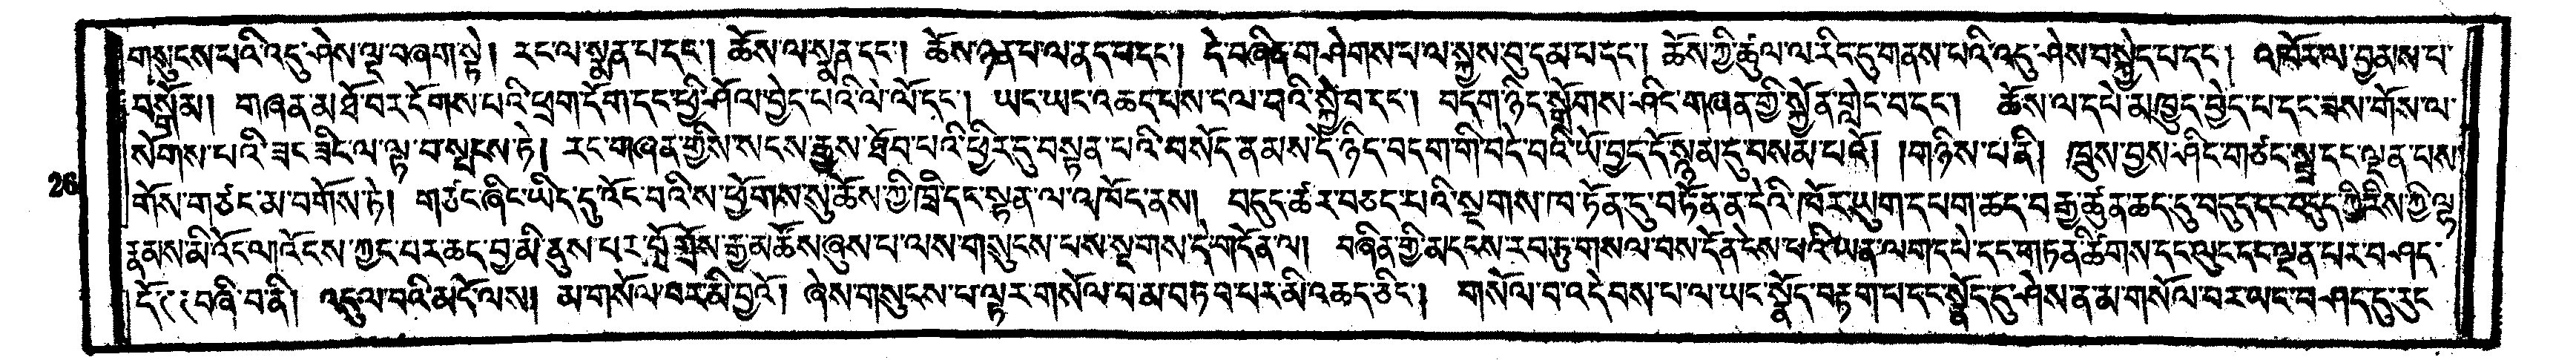གསུངས་པའི་འདུ་ཤེས་ལྔ་བཞག་སྟེ། རང་ལ་སྨན་པ་དང་། ཆོས་ལ་སྨན་དང་། ཆོས་ཉན་པ་ལ་ནད་པ་དང་། དེ་བཞིན་གཤེགས་པ་ལ་སྐྱས་བུ་དམ་པ་དང་། ཆོས་ཀྱི་ཚུལ་ལ་རིང་དུ་གནས་པའི་འདུ་ཤེས་བསྐྱེད་པ་དང་། འཁོར་ལ་བྱམས་པ་
བསྒོམ། གཞན་མཐོ་བར་དོགས་པའི་ཕྲག་དོག་དང་ཕྱི་ཤོལ་བྱེད་པའི་ལེ་ལོ་དང་། ཡང་ཡང་འཆད་པས་ངལ་བའི་སྐྱེ་བ་དང་། བདག་ཉིད་སྒྲོགས་ཤིང་གཞན་གྱི་སྐྱོན་གླེང་བ་དང་། ཆོས་ལ་དཔེ་མཁྱུད་བྱེད་པ་དང་ཟས་གོས་ལ་
སོགས་པའི་ཟང་ཟིང་ལ་ལྟ་བ་སྤངས་ཏེ། རང་གཞན་གྱིས་སངས་རྒྱས་ཐོབ་པའི་ཕྱིར་དུ་བསྟན་པའི་བསོད་ནམས་དེ་ཉིད་བདག་གི་བདེ་བའི་ཡོ་བྱད་དོ་སྙམ་དུ་བསམ་པའོ། །གཉིས་པ་ནི། ཁྲུས་བྱས་ཤིང་གཙང་སྦྲ་དང་ལྡན་པས་
གོས་གཙང་མ་བགོས་ཏེ། གཙང་ཞིང་ཡིད་དུ་འོང་པའི་ས་ཕྱོགས་སུ་ཆོས་ཀྱི་ཁྲི་དང་སྟན་ལ་འཁོད་ནས། བདུད་ཚར་བཅད་པའི་སྔགས་ཁ་ཏོན་དུ་བཏོན་ན་དེའི་ཁོར་ཡུག་དཔག་ཆད་བརྒྱ་ཚུན་ཆད་དུ་བདུད་དང་བདུད་ཀྱི་རིས་ཀྱི་ལྷ་
རྣམས་མི་འོང་ལ། འོངས་ཀྱང་པར་ཆད་བྱ་མི་ནུས་པར་བློ་གྲོས་རྒྱ་མཚོས་ཞུས་པ་ལས་གསུངས་པས་སྔགས་དེ་གདོན་ལ། བཞིན་གྱི་མདངས་རབ་ཏུ་གསལ་བས་དེས་པའི་ཡན་ལག་དཔེ་དང་གཏན་ཚིགས་དང་ལུང་དང་ལྡན་པར་བཤད་
དོ༑ ༑བཞི་བ་ནི། འདུལ་བའི་མདོ་ལས། མ་གསོལ་བར་མི་བྱའོ། ཞེས་གསུངས་པ་ལྟར་གསོལ་བ་མ་བཏབ་པར་མི་འཆད་ཅིང་། གསོལ་བ་འདེབས་པ་ལ་ཡང་སྣོད་བརྟག་པ་དང་སྣོད་དུ་ཤེས་ན་མ་གསོལ་བར་ཡང་བཤད་དུ་རུང་